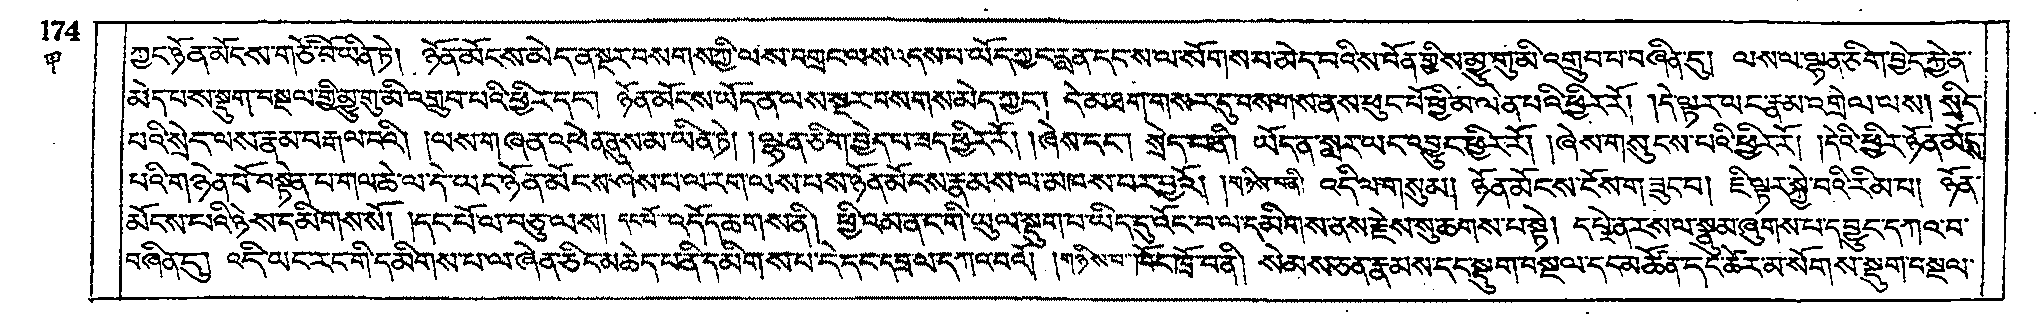ཀྱང་ཉོན་མོངས་གཙོ་བོ་ཡིན་ཏེ། ཉོན་མོངས་མེད་ན་སྔར་བསགས་ཀྱི་ལས་བགྲང་ལས་འདས་པ་ཡོད་ཀྱང་རླན་དང་ས་ལ་སོགས་པ་མེད་པའི་ས་བོན་གྱིས་མྱུ་གུ་མི་འགྲུབ་པ་བཞིན་དུ། ལས་ལ་ལྷན་ཅིག་བྱེད་རྐྱེན་
མེད་པས་སྡུག་བསྔལ་གྱི་མྱུ་གུ་མི་འགྲུབ་པའི་ཕྱིར་དང་། ཉོན་མོངས་ཡོད་ན་ལས་སྔར་བསགས་མེད་ཀྱང་། དེ་མ་ཐག་གསར་དུ་བསགས་ནས་ཕུང་པོ་ཕྱི་མ་ལེན་པའི་ཕྱིར་རོ། །དེ་ལྟར་ཡང་རྣམ་འགྲེལ་ལས། སྲིད་
པའི་སྲེད་ལས་རྣམ་བརྒལ་བའི། །ལས་གཞན་འཕེན་ནུས་མ་ཡིན་ཏེ། །ལྷན་ཅིག་བྱེད་པ་ཟད་ཕྱིར་རོ། །ཞེས་དང་། སྲེད་པ་ནི། ཡོད་ན་སླར་ཡང་འབྱུང་ཕྱིར་རོ། །ཞེས་གསུངས་པའི་ཕྱིར་རོ། །དེའི་ཕྱིར་ཉོན་མོངས་
པའི་གཉེན་པོ་བསྟེན་པ་གལ་ཆེ་ལ་དེ་ཡང་ཉོན་མོངས་ཤེས་པ་ལ་རག་ལས་པས་ཉོན་མོངས་རྣམས་ལ་མཁས་པར་བྱའོ། །གཉིས་པ་ནི།  འདི་ལ་གསུམ། ཉོན་མོངས་ངོས་གཟུང་བ། ཇི་ལྟར་སྐྱེ་བའི་རིམ་པ། ཉོན་
མོངས་པའི་ཉེས་དམིགས་སོ། །དང་པོ་ལ་བཅུ་ལས། དང་པོའདོད་ཆགས་ནི། ཕྱི་འམ་ནང་གི་ཡུལ་སྡུག་པ་ཡིད་དུ་འོང་བ་ལ་དམིགས་ནས་རྗེས་སུ་ཆགས་པ་སྟེ། དཔེར་ན་རས་ལ་སྣུམ་ཞུགས་པ་དབྱུང་དཀའ་བ་
བཞིན་དུ། འདི་ཡང་རང་གི་དམིགས་པ་ལ་ཞེན་ཅིང་མཆེད་པ་ནི་དམིགས་པ་དེ་དང་དབྲལ་དཀའ་བའོ། །གཉིས་པཁོང་ཁྲོ་བ་ནི། སེམས་ཅན་རྣམས་དང་སྡུག་བསྔལ་དང་མཚོན་དང་ཚེར་མ་སོགས་སྡུག་བསྔལ་